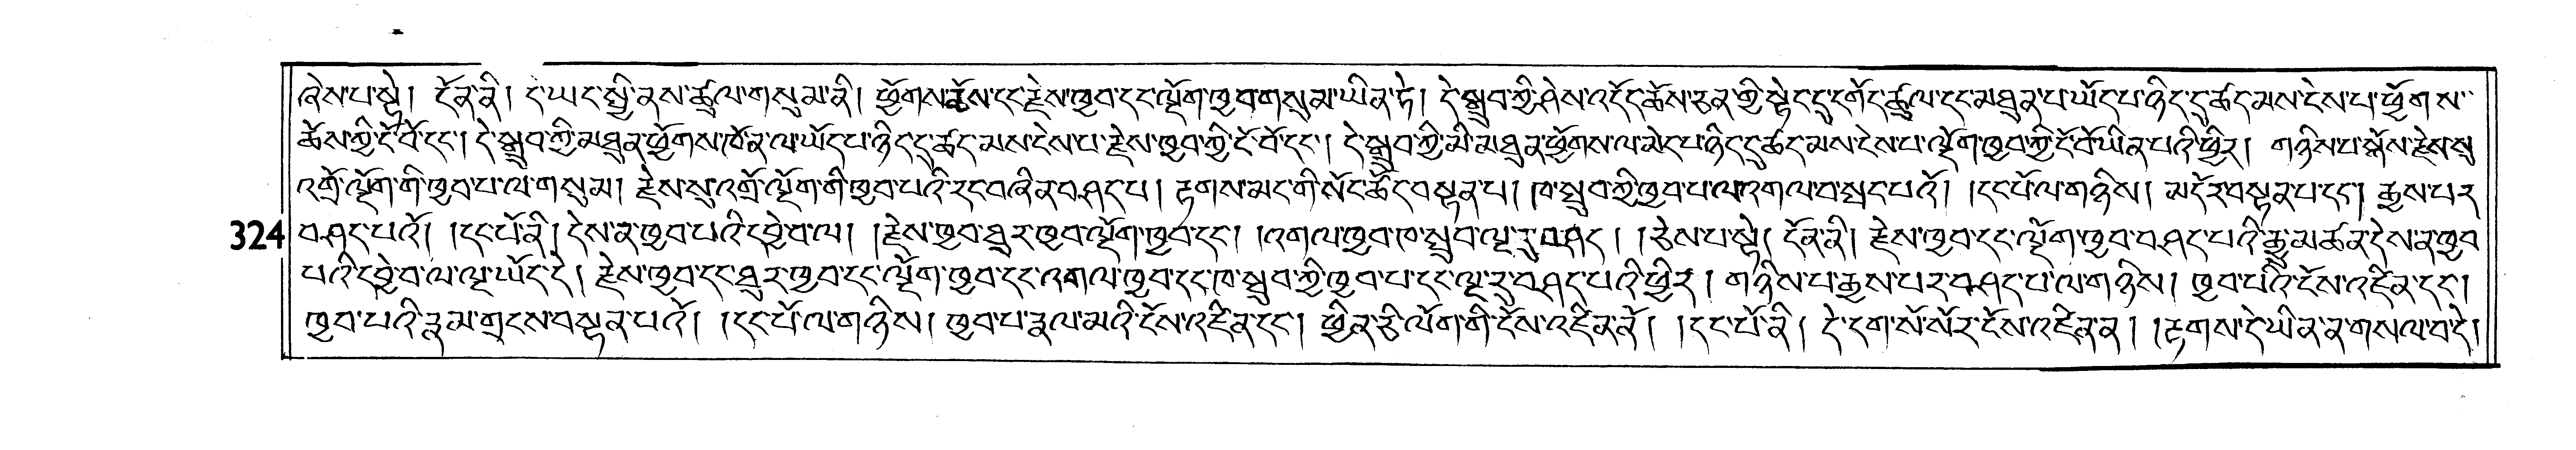ཞེས་པ་སྟེ། དོན་ནི། དེ་ཡང་སྤྱི་ནས་ཚུལ་གསུམ་ནི། ཕྱོགས་ཆོས་དང་རྗེས་ཁྱབ་དང་ལྡོག་ཁྱབ་གསུམ་ཡིན་ཏེ། དེ་སྒྲུབ་ཀྱི་ཤེས་འདོད་ཆོས་ཅན་གྱི་སྟེང་དུ་དགོད་ཚུལ་དང་མཐུན་པ་ཡོད་པ་ཉིད་དུ་ཚད་མས་ངེས་པ་ཕྱོགས་
ཆོས་ཀྱི་ངོ་བོ་དང་། དེ་སྒྲུབ་ཀྱི་མཐུན་ཕྱོགས་ཁོ་ན་ལ་ཡོད་པ་ཉིད་དུ་ཚད་མས་ངེས་པ་རྗེས་ཁྱབ་ཀྱི་ངོ་བོ་དང་། དེ་སྒྲུབ་ཀྱི་མི་མཐུན་ཕྱོགས་ལ་མེད་པ་ཉིད་དུ་ཚད་མས་ངེས་པ་ལྡོག་ཁྱབ་ཀྱི་ངོ་བོ་ཡིན་པའི་ཕྱིར། གཉིས་པ་སོགས་རྗེས་སུ་
འགྲོ་ལྡོག་གི་ཁྱབ་པ་ལ་གསུམ། རྗེས་སུ་འགྲོ་ལྡོག་གི་ཁྱབ་པའི་རང་བཞིན་བཤད་པ། རྟགས་མང་གི་སོང་ཚད་བསྟན་པ། ཁ་སྤུབ་ཀྱི་ཁྱབ་པ་ལ་འགལ་བ་སྤང་པའོ། །དང་པོ་ལ་གཉིས། མདོར་བསྟན་པ་དང་། རྒྱས་པར་
བཤད་པའོ། །དང་པོ་ནི། དེས་ན་ཁྱབ་པའི་དབྱེ་བ་ལ། །རྗེས་ཁྱབ་ཐུར་ཁྱབ་ལྡོག་ཁྱབ་དང་། །འགལ་ཁྱབ་ཁ་སྤུབ་ལྔ་རུ་བཤད། །ཅེས་པ་སྟེ། དོན་ནི། རྗེས་ཁྱབ་དང་ལྡོག་ཁྱབ་བཤད་པའི་རྒྱུ་མཚན་དེས་ན་ཁྱབ་
པའི་དབྱེ་བ་ལ་ལྔ་ཡོད་དེ། རྗེས་ཁྱབ་དང་ཐུར་ཁྱབ་དང་ལྡོག་ཁྱབ་དང་འགལ་ཁྱབ་དང་ཁ་སྦུབ་ཀྱི་ཁྱབ་པ་དང་ལྔ་རུ་བཤད་པའི་ཕྱིར། གཉིས་པ་རྒྱས་པར་བཤད་པ་ལ་གཉིས། ཁྱབ་པའི་ངོས་འཛིན་དང་།
ཁྱབ་པའི་རྣམ་གྲངས་བསྟན་པའོ། །དང་པོ་ལ་གཉིས། ཁྱབ་པ་རྣལ་མའི་ངོས་འཛིན་དང་། ཕྱིན་ཅི་ལོག་གི་ངོས་འཛིན་ནོ། །དང་པོ་ནི། དེ་དག་སོ་སོར་ངོས་འཛིན་ན། །རྟགས་དེ་ཡིན་ན་གསལ་བ་དེ།